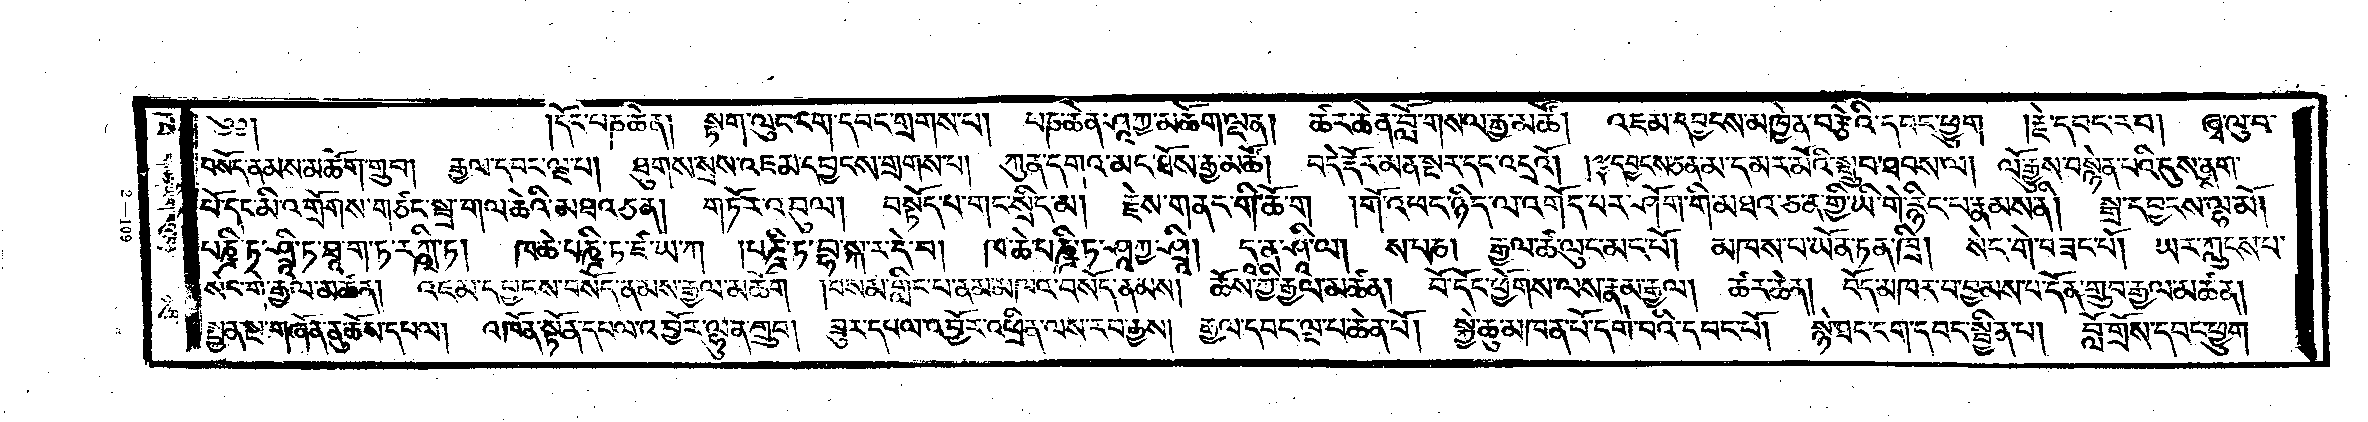༄༅། །དོང་པཎ་ཆེན། སྟག་ལུང་ངག་དབང་གྲགས་པ། པཎ་ཆེན་ཤཱཀྱ་མཆོག་ལྡན། ཚར་ཆེན་བློ་གསལ་རྒྱ་མཚོ། འཇམ་དབྱངས་མཁྱེན་བརྩེའི་དབང་ཕྱུག །རྗེ་དབང་རབ། ཞ་ལུ་བ་
བསོད་ནམས་མཆོག་གྲུབ། རྒྱལ་དབང་ལྔ་པ། ཐུགས་སྲས་འཇམ་དབྱངས་གྲགས་པ། ཀུན་དགའ་མང་ཐོས་རྒྱ་མཚོ། བདེ་རྡོར་མན་སྔར་དང་འདྲའོ། །༈ དབྱངས་ཅན་མ་དམར་མོའི་སྒྲུབ་ཐབས་ལ། ལོ་རྒྱུས་བསྙེན་པའི་དུས་ནག་
པོ་དང་མི་འགྲོགས་གཙང་སྦྲ་གལ་ཆེའི་མཐའ་ཅན། གཏོར་འབུལ། བསྟོད་པ་གང་སྲིད་མ། རྗེས་གནང་གི་ཆོ་ག །གོ་འཕང་ཉིད་ལ་འགོད་པར་ཤོག་གི་མཐའ་ཅན་གྱི་ཡི་གེ་རྙིང་པ་རྣམས་ནི། སྒྲ་དབྱངས་ལྷ་མོ།
པཎྜི་ཏྲ་ཤྲཱི་ཏ་ཐཱ་ག་ཏ་རཀྵི་ཏ། ཁ་ཆེ་པཎྜི་ཏ་ཛ་ཡ་ཀ །པཎྜི་ཏ་བྷ་སྐ་ར་དེ་བ། ཁ་ཆེ་པཎྜི་ཏ་ཤཱཀྱ་ཤྲཱི། དཱ་ན་ཤཱི་ལ། ས་པཎ། རྒྱལ་ཚ་ལུང་མང་པོ། མཁས་པ་ཡོན་ཏན་ཁྲི། སེང་གེ་བཟང་པོ། ཡར་ཀླུངས་པ་
སེང་གེ་རྒྱལ་མཚན། འཇམ་དབྱངས་བསོད་ནམས་རྒྱལ་མཆོག །བསམ་གླིང་པ་ནམ་མཁའ་བསོད་ནམས། ཆོས་ཀྱི་རྒྱལ་མཚན། བོ་དོང་ཕྱོགས་ལས་རྣམ་རྒྱལ། ཚར་ཆེན། བོད་མཁར་བ་བྱམས་པ་དོན་གྲུབ་རྒྱལ་མཚན།
སྤྱན་སྔ་གཞོན་ནུ་ཆོས་དཔལ། འཁོན་སྟོན་དཔལ་འབྱོར་ལྷུན་གྲུབ། ཟུར་དཔལ་འབྱོར་འཕྲིན་ལས་རབ་རྒྱས། རྒྱལ་དབང་ལྔ་པ་ཆེན་པོ། སྐྱེ་ཆུ་མཁན་པོ་དགེ་བའི་དབང་པོ། སྙེ་ཐང་ངག་དབང་སྦྱིན་པ། བློ་གྲོས་དབང་ཕྱུག་